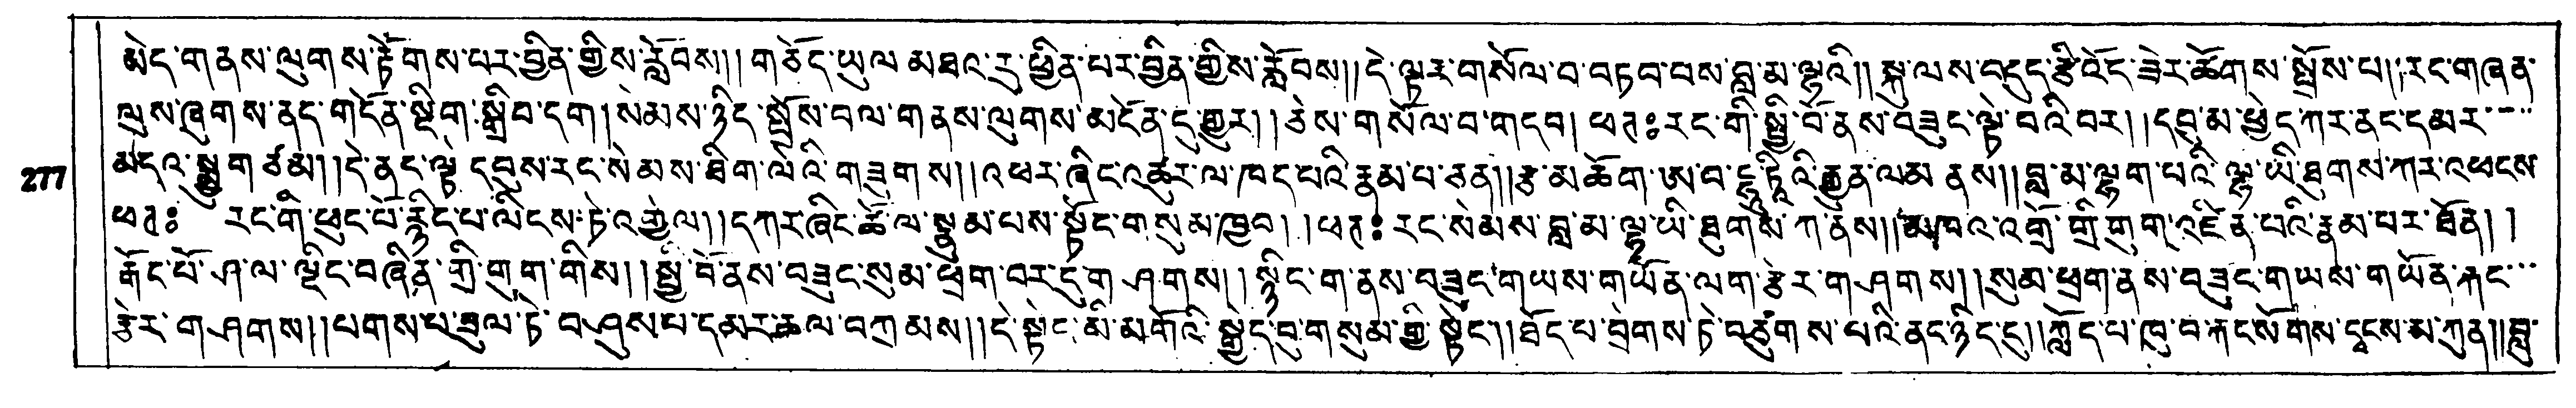མེད་གནས་ལུགས་རྟོགས་པར་བྱིན་གྱིས་རློབས། །གཅོད་ཡུལ་མཐའ་རུ་ཕྱིན་པར་བྱིན་གྱིས་རློབས། །དེ་ལྟར་གསོལ་བ་བཏབ་པས་བླ་མ་ལྷའི། །སྐུ་ལས་བདུད་རྩི་འོད་ཟེར་ཚོགས་སྤྲོས་པ། །རང་གཞན་
ལུས་ཞུགས་ནད་གདོན་སྡིག་སྒྲིབ་དག །སེམས་ཉིད་སྤྲོས་བལ་གནས་ལུགས་མངོན་དུ་གྱུར། །ཅེས་གསོལ་བ་གདབ། ཕཊཿ རང་གི་སྤྱི་བོ་ནས་བཟུང་ལྟེ་བའི་བར། །དབུ་མ་ཕྱེད་ཀར་ནང་དམར་
མདའ་སྨྱུག་ཙམ། །དེ་ནང་ལྟེ་དབུས་རང་སེམས་ཐིག་ལེའི་གཟུགས། །འཕར་ཞིང་འཚུར་ལ་ཁད་པའི་རྣམ་པ་ཅན། །རྩ་མཆོག་ཨ་བ་དྷཱུ་ཏཱིའི་རྒྱུན་ལམ་ནས། །བླ་མ་ལྷག་པའི་ལྷ་ཡི་ཐུགས་ཀར་འཕངས་
ཕཊཿ རང་གི་ཕུང་པོ་རྙིང་པ་ལིངས་ཏེ་འགྱེལ། །དཀར་ཞིང་ཚོ་ལ་སྣུམ་པས་སྟོང་གསུམ་ཁྱབ། །ཕཊཿ རང་སེམས་བླ་མ་ལྷ་ཡི་ཐུགས་ཀ་ནས། །མཁའ་འགྲོ་གྲི་གུག་འཛིན་པའི་རྣམ་པར་ཐོན། །
རྒོང་པོ་ཤ་ལ་ལྡིང་བཞིན་གྲི་གུག་གིས། །སྤྱི་བོ་ནས་བཟུང་སུམ་ཕྲག་བར་དུ་གཤགས། །སྙིང་ག་ནས་བཟུང་གཡས་གཡོན་ལག་རྩེར་གཤགས། །སུམ་ཕྲག་ནས་བཟུང་གཡས་གཡོན་རྐང་
རྩེར་གཤགས། །པགས་པ་ཟུལ་ཏེ་བཤུས་པ་དམར་ཆལ་བཀྲམས། །དེ་སྟེང་མི་མགོའི་སྒྱེད་བུ་གསུམ་གྱི་སྟེང་། །ཐོད་པ་བྲེགས་ཏེ་བཙུགས་པའི་ནང་ཉིད་དུ། །ཀློད་པ་ཁུ་བ་རྐང་སོགས་དྭངས་མ་ཀུན། །བླུ་